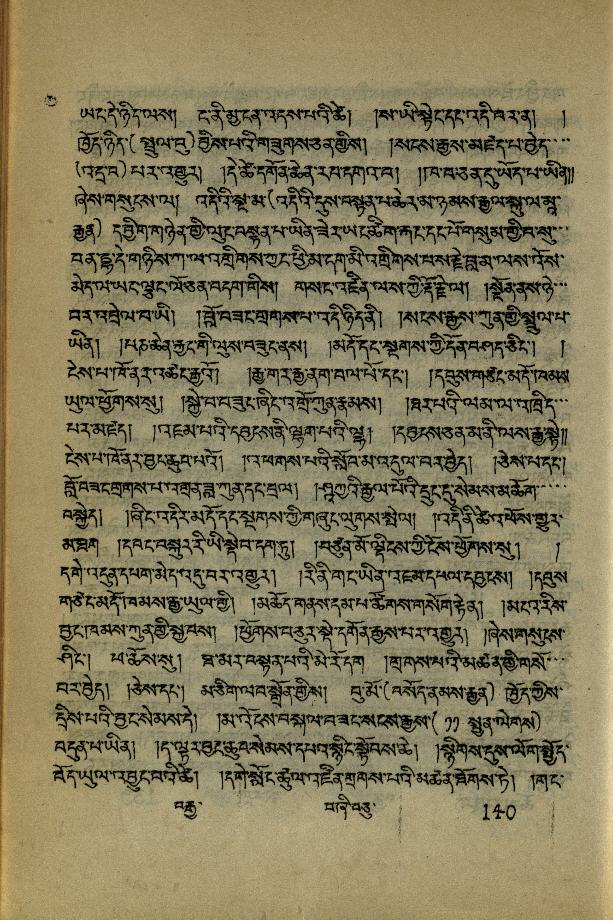ཡང་དེ་ཉིད་ལས། ང་ནི་མྱ་ངན་འདས་པའི་ཚེ། །ས་ཡི་སྟེང་དང་འདི་བར་ན། །
ཁྱོད་ཉིད་སྤྲུལ་བུ་བྱིས་པའི་གཟུགས་ཅན་གྱིས། །སངས་རྒྱས་མཛད་པ་བྱེད་
འདྲ་བ་པར་འགྱུར། །དེ་ཚེ་དགོན་ཆེན་རབ་དགའ་བ། །ཁ་བ་ཅན་དུ་ཡོད་པ་ཡིན།།
ཞེས་གསུངས་ལ། འདིའི་སྔ་མ་འདིའི་དུས་བསྟན་པ་ཆེར་མ་ཉམས་རྒྱལ་སྐུ་ལ་མཱ་
རྒྱན་དབྱིག་གཉེན་གྱི་ལུང་བསྟན་པ་ཡིན་ཟེར་ཡང་ཚིག་རྐང་དང་པོ་གསུམ་གྱི་བ་སུ་
བན་དྷ་དེ་གཉིས་ཀ་ལ་འགྲིགས་ཀྱང་ཕྱི་མ་དག་མི་འགྲིགས་པས་རྗེ་བླ་མ་ལས་འོས་
མེད་ལ་ཡང་ལྕང་ལོ་ཅན་བདག་གིས། གསང་འཛིན་ལས་ཀྱི་རྡོ་རྗེ་ལ། །སྔོན་ནས་ཉེ་
བར་འབྲེལ་བ་ཡི། །བློ་བཟང་གྲགས་པ་འདི་ཉིད་ནི། །སངས་རྒྱས་ཀུན་གྱི་སྤྲུལ་པ་
ཡིན། །པཎ་ཆེན་རྐྱང་གི་ལུས་བཟུང་ནས། །མདོ་དང་སྔགས་ཀྱི་དོན་བཤད་ཅིང་། །
ངེས་པ་ཁོ་ནར་འཚང་རྒྱའོ། །རྒྱ་གར་རྒྱ་ནག་བལ་པོ་དང་། །དབུས་གཙང་མདོ་ཁམས་
ཡུལ་ཕྱོགས་སུ། །སྐྱེ་བ་བཟུང་ཞིང་འགྲོ་ཀུན་རྣམས། །ཐར་པའི་ལམ་ལ་འཁྲིད་
པར་མཛད། །འཇམ་པའི་དབྱངས་ནི་ལྷག་པའི་ལྷ། །དབྱེངས་ཅན་མ་ནི་ལས་རྒྱ་སྟེ།།
ངེས་པ་ཁོ་ནར་བྱང་ཆུབ་པའོ། །འཕགས་པའི་སློབ་མ་འདུལ་བར་བྱེད། །ཅེས་པ་དང་།
བློ་བཟང་གྲགས་པ་འགྲན་ཟླ་ཀུན་དང་བྲལ། །ཤཱཀྱའི་རྒྱལ་པོའི་དྲུང་དུ་སེམས་མཆོག་
བསྐྱེད། །ཞིང་འདིར་མདོ་དང་སྔགས་ཀྱི་གཞུང་ལུགས་སྤེལ། །འདི་ནི་ཚེ་འཕོས་གྱུར་
མ་ཐག །དབང་བསྐུར་རི་ཡི་སྡེབ་དག་ཏུ། །བཙུན་མོ་ལྡིངས་ཀྱི་ངོས་ཕྱོགས་སུ། །
དགེ་འདུན་དཔག་མེད་འདུ་བར་འགྱུར། །རི་ནི་གང་ཡིན་འཇམ་དཔལ་དབྱངས། །དབུས་
གཙང་མདོ་ཁམས་རྒྱ་ཡུལ་གྱི། །མཆོད་གནས་དམ་པ་ཚོགས་གསོག་རྟེན། །མངའ་རིས་
བྱང་ཁམས་ཀུན་གྱི་སྐྱབས། །ཕྱོགས་བཅུར་སྡེ་དགོན་རྒྱས་པར་འགྱུར། །ཞེས་གསུངས་
ཤིང་། ཕ་ཆོས་སུ། །ཐ་མར་བསྟན་པའི་མེ་རོ་དག །གྲགས་པའི་མཚན་གྱི་གསོ་
བར་བྱེད། །ཅེས་དང་། མ་ཅིག་ལབ་སྒྲོན་གྱིས། བུ་མོ་བསོད་ནམས་རྒྱན་ཁྱོད་ཀྱིས་
དྲིས་པའི་བྱང་སེམས་དེ། །མ་འོངས་བསྐལ་བཟང་སངས་རྒྱས༡༡་སྤྱན་ལེགས
བདུན་པ་ཡིན། །ད་ལྟར་བྱང་ཆུབ་སེམས་དཔའ་སྙིང་སྟོབས་ཆེ། །སྙིགས་དུས་ལོག་སྤྱོད་
བོད་ཡུལ་འབྱུང་བའི་ཚེ། །དགེ་སློང་ཚུལ་འཛིན་གྲགས་པའི་མཚན་ཐོགས་ཏེ། །གང་